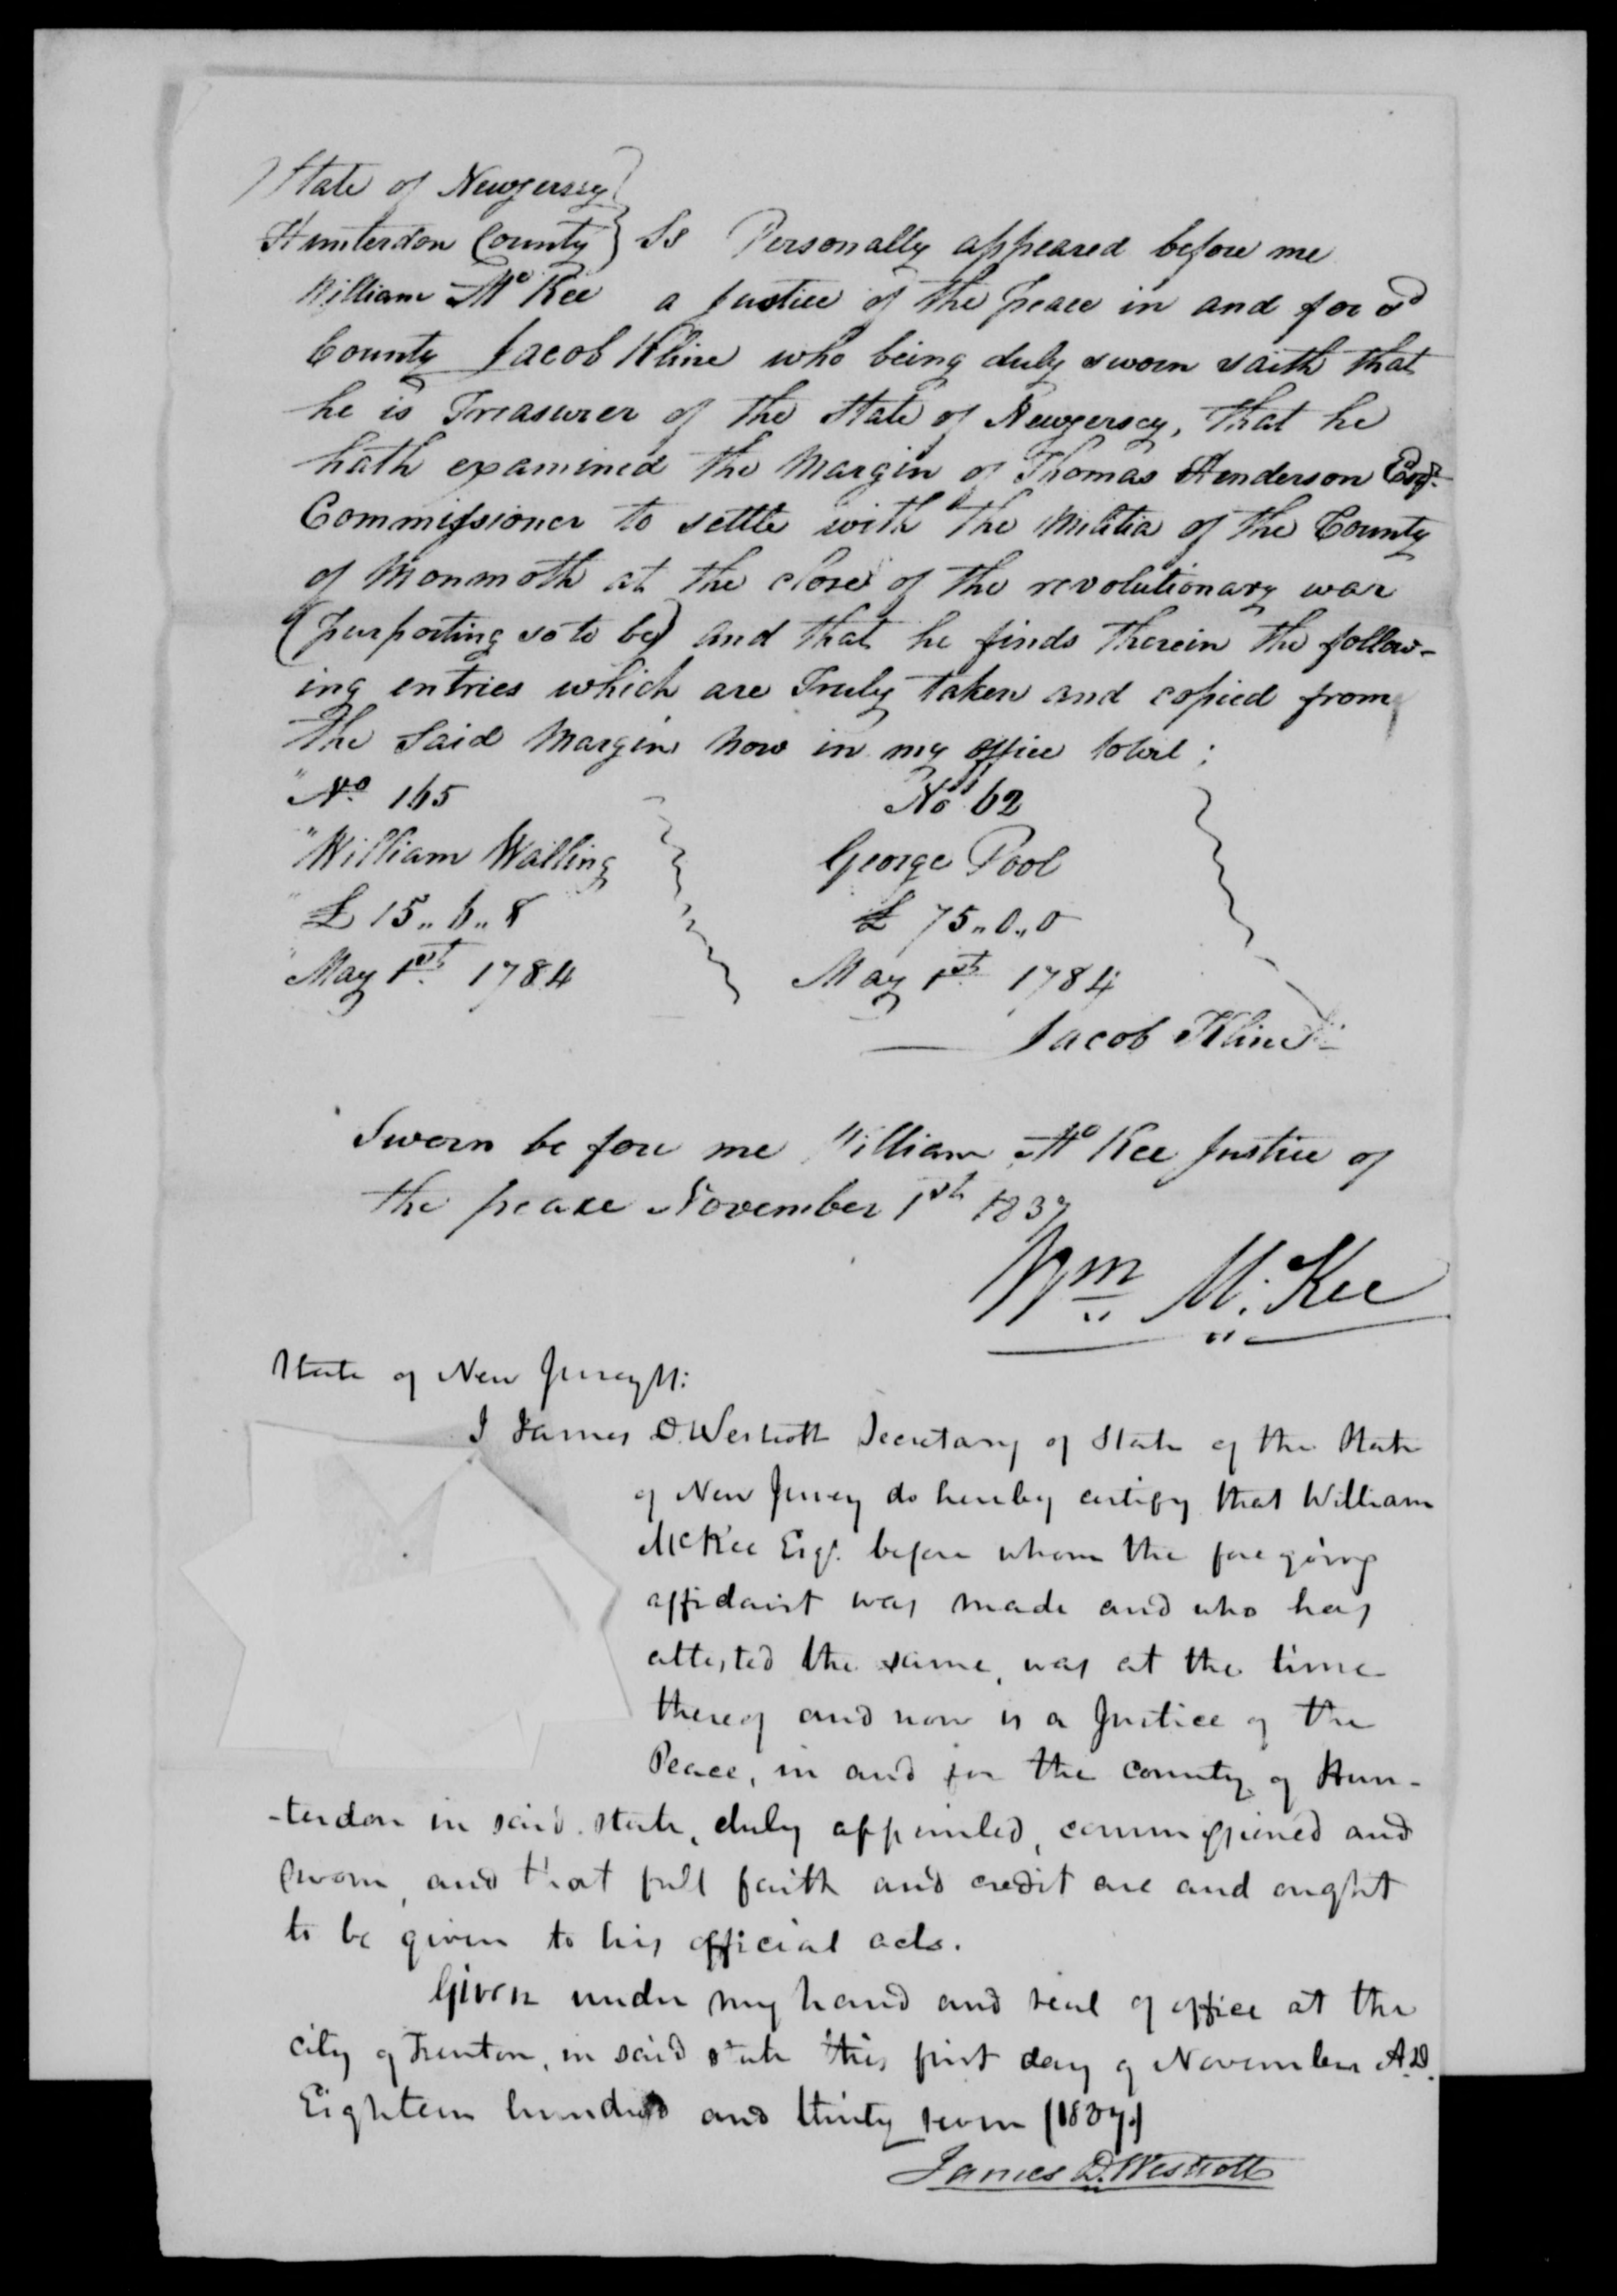State of New Jersey
Hunterdon County, ss
Personally appeared before me William McKee a Justice of the Peace in and for (illegible) County Jacob Fline who being duly sworn saith that he is Treasurer of the State of New Jersey, that he hath examined the margin of Thomas Henderson Esq Commissioner to  settle with the militia of the County of Monmouth at the close of the revolutionary war (purporting so to be) and that he finds therein the following entries which are truly taken and copied from the said margin now in my office to wit:
No. 165, William Walling, L 15 6 8, May 1st 1784
No. 62, George Pool, L 75 0 0, May 1st 1784
Jacob Fline

Sworn before me William McKee Justice of the Peace November 1st 1839, (signature) Wm McKee

State of New Jersey:  I James D Westcott, secretary of the State of the State of New Jersey do hereby certify that William McKee Esq before whom the foregoing affidavit was made and who has attested the same was at the time thereof and now is a Justice of the Peace, in and for the county of Hunterdon in said state duly appointed, confirmed and sworn, and that full faith and credit are and ought to be give to his official acts.  Given under my hand and seal of the office at the city of Trenton, in said state this first day of November AD Eighteen hundred and thirty seven (1837) (signature) James D Westcott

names: Thomas Henderson, Jacob Fline, Wm Mc Kee, William Mc Kee, George Pool, William Mc Kee, William Walling, James D Westcott, James D Westcott, William Mc Kee, Jacob Fline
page: 51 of 66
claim: widow's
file: W. 19588, William Walling, New Jersey